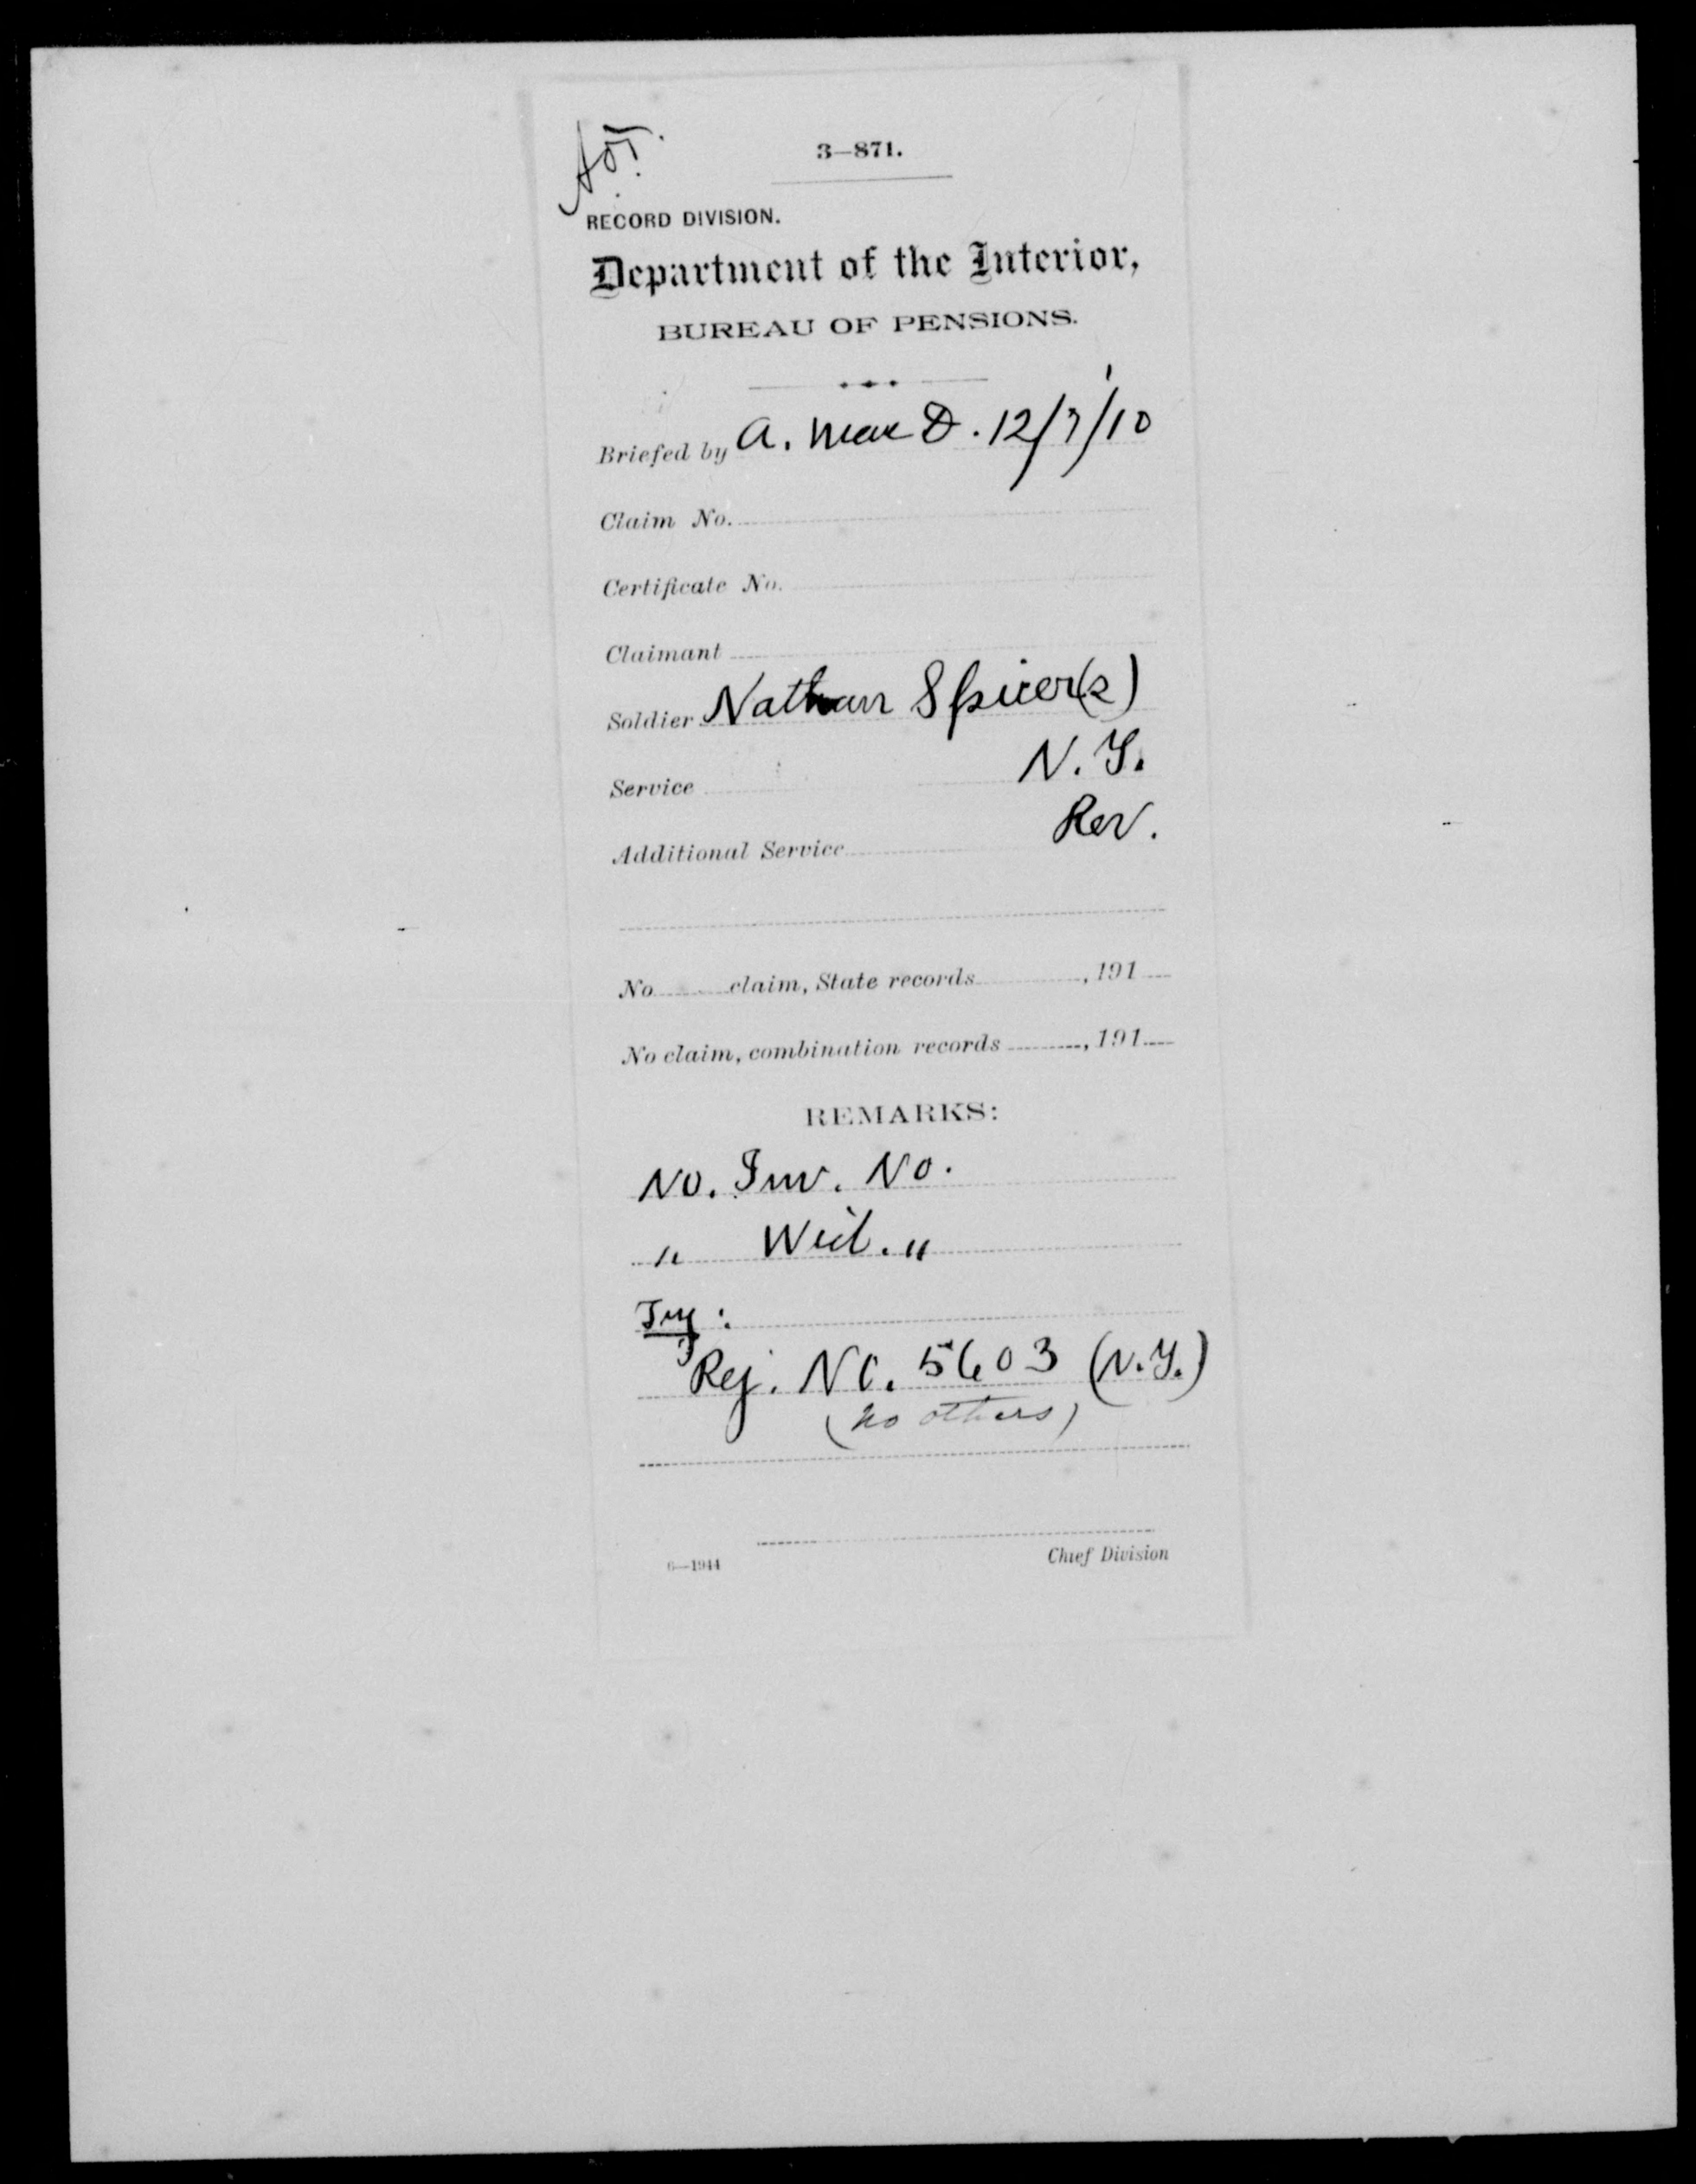3-871.
Record Division.
Department of the Interior, Bureau of Pensions.
Briefed by A. [illegible] D. 12/7/10
Soldier Nathan Spicer(s) N.Y. Rev.
Remarks:
No. Inv. No.
No. Wid
Try: Rej. NC 5603 (N.Y.)
(no others)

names: Nathan Spicer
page: 13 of 33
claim: rejected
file: R. 5603, for Nathan Spicer, New York